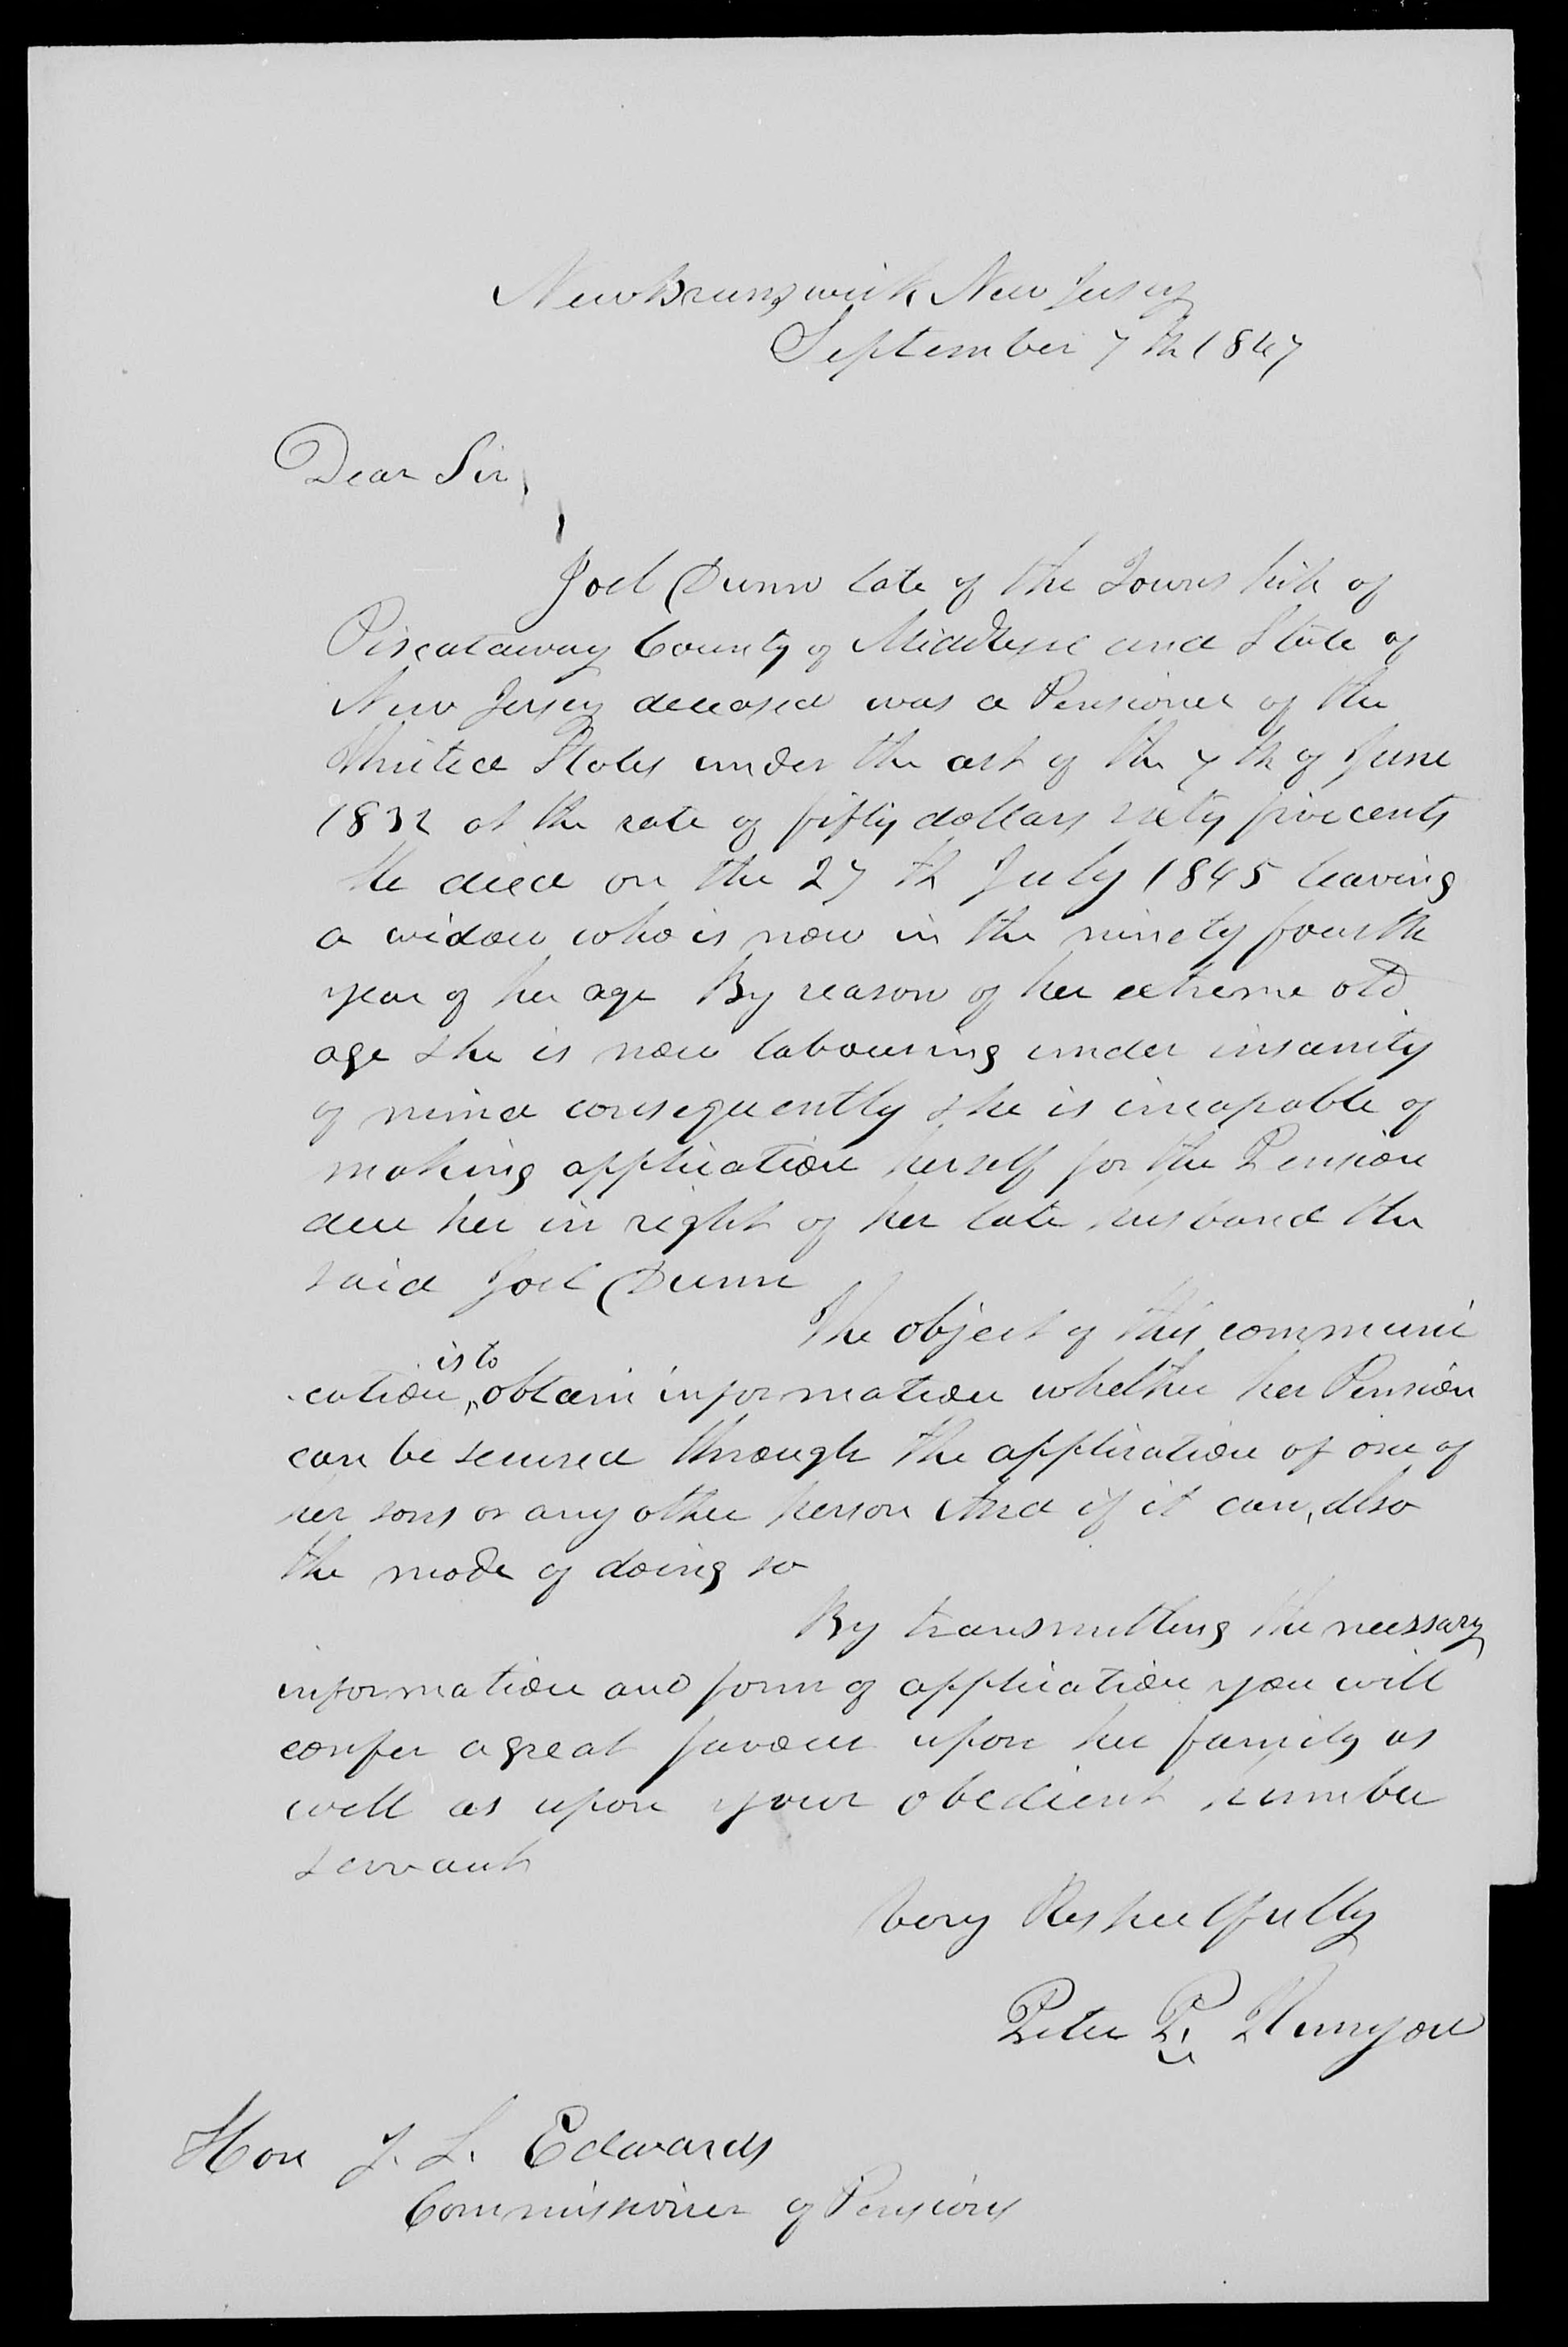New Brunswick New Jersey
September 7th 1847

Dear Sir.

Joel Dunn late of the Township of Piscataway County of Middlesex and State of New Jersey deceased was a pensioner of the United States under the act of the 7th of June 1832 at the rate of fifty dollars sixty five cents. He died on the 27th July 1845 leaving a widow who is now in the ninety fourth year of her age by reason of her extreme old age she is now labouring under insanity of mind consequently she is incapable of making application herself for the Pension
due her in right of her late husband the said Joel Dunn

The object of this communication is to obtain information whether her Pension can be secured through the application of one of
her sons or any other person Aand if it can, also
the mode of doing so

By transmitting the necessary information and form of application you will confer a great favour upon her family as well as upon your obedient humble Servant

Very Respectfully
Peter P. Runyon

Hon  J.L. Edwards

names: Joel Dunn, Peter P Runyon, Joel Dunn, J L Edwards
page: 30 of 52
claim: widow's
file: W. 919, Joel Dunn, New Jersey